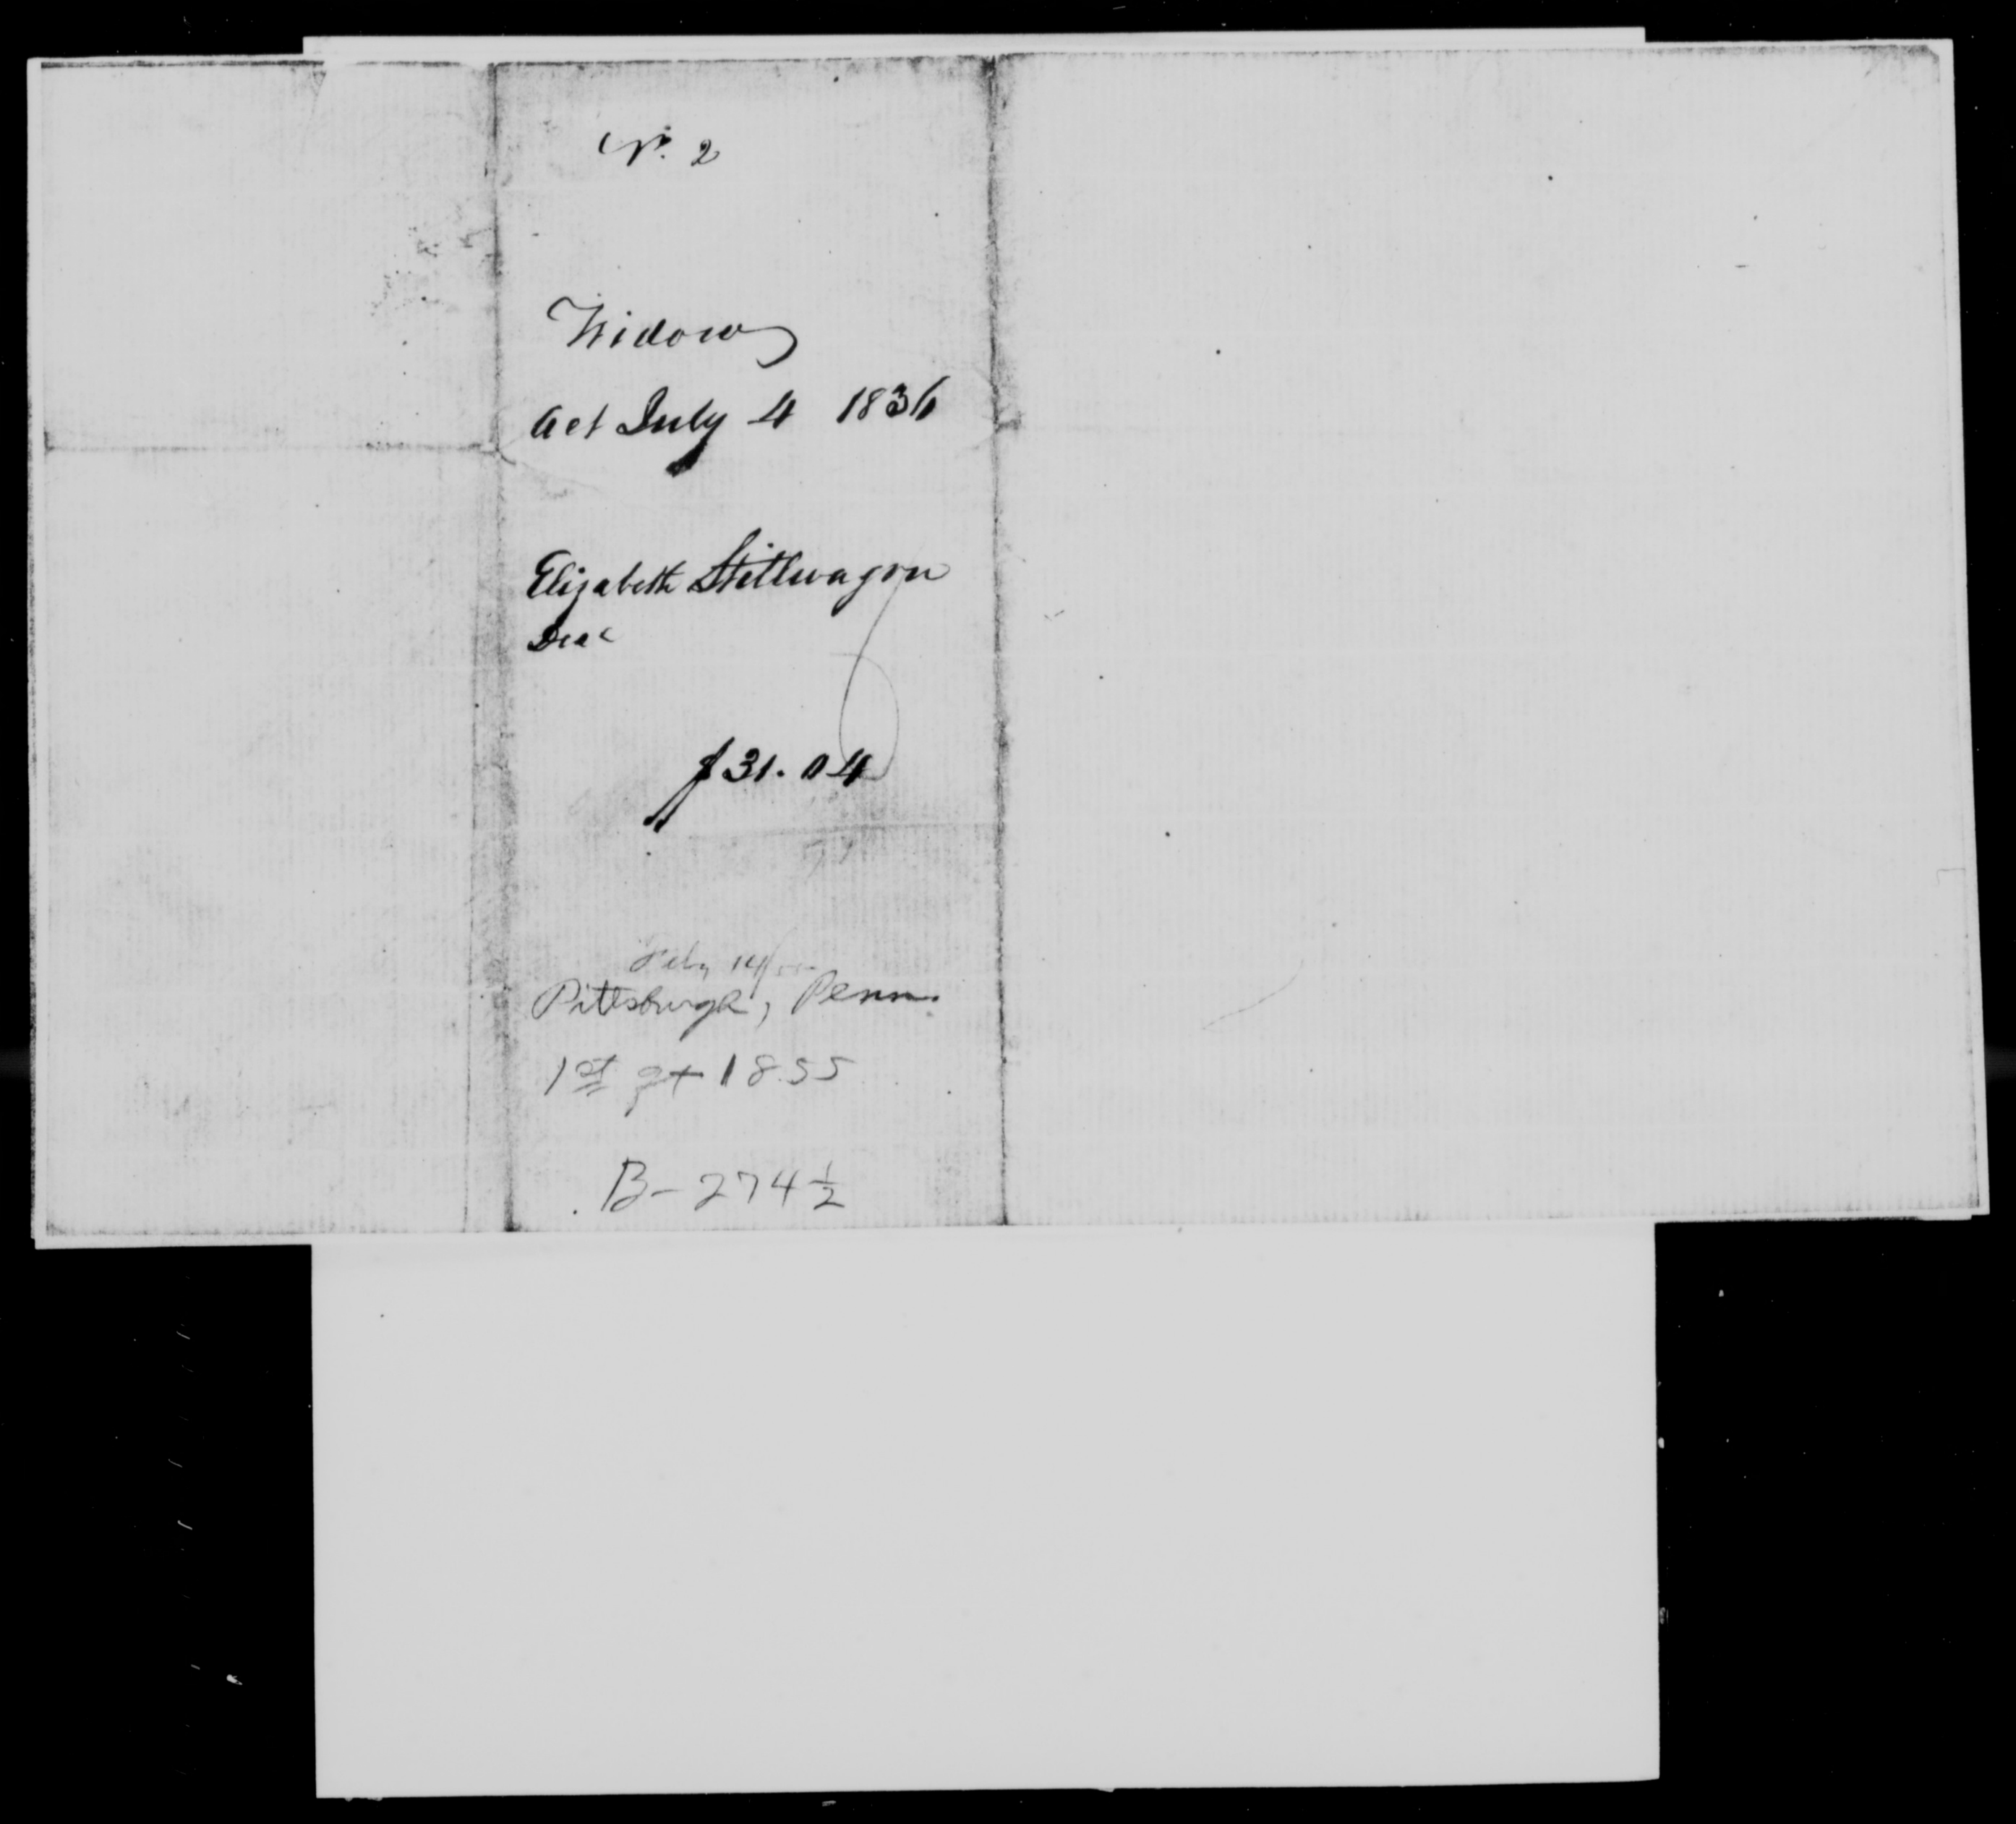r 2
Widow
[illegible] July 4 1836
Elizabeth Stillwagon
Desc
$31.04
Feby 14/
Pittsburgh, Penn.
1st qt 1855
B-274 1/2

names: Elizabeth Stillwagon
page: 11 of 73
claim: widow's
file: W. 3197, for Peter Stillwagon, New Jersey